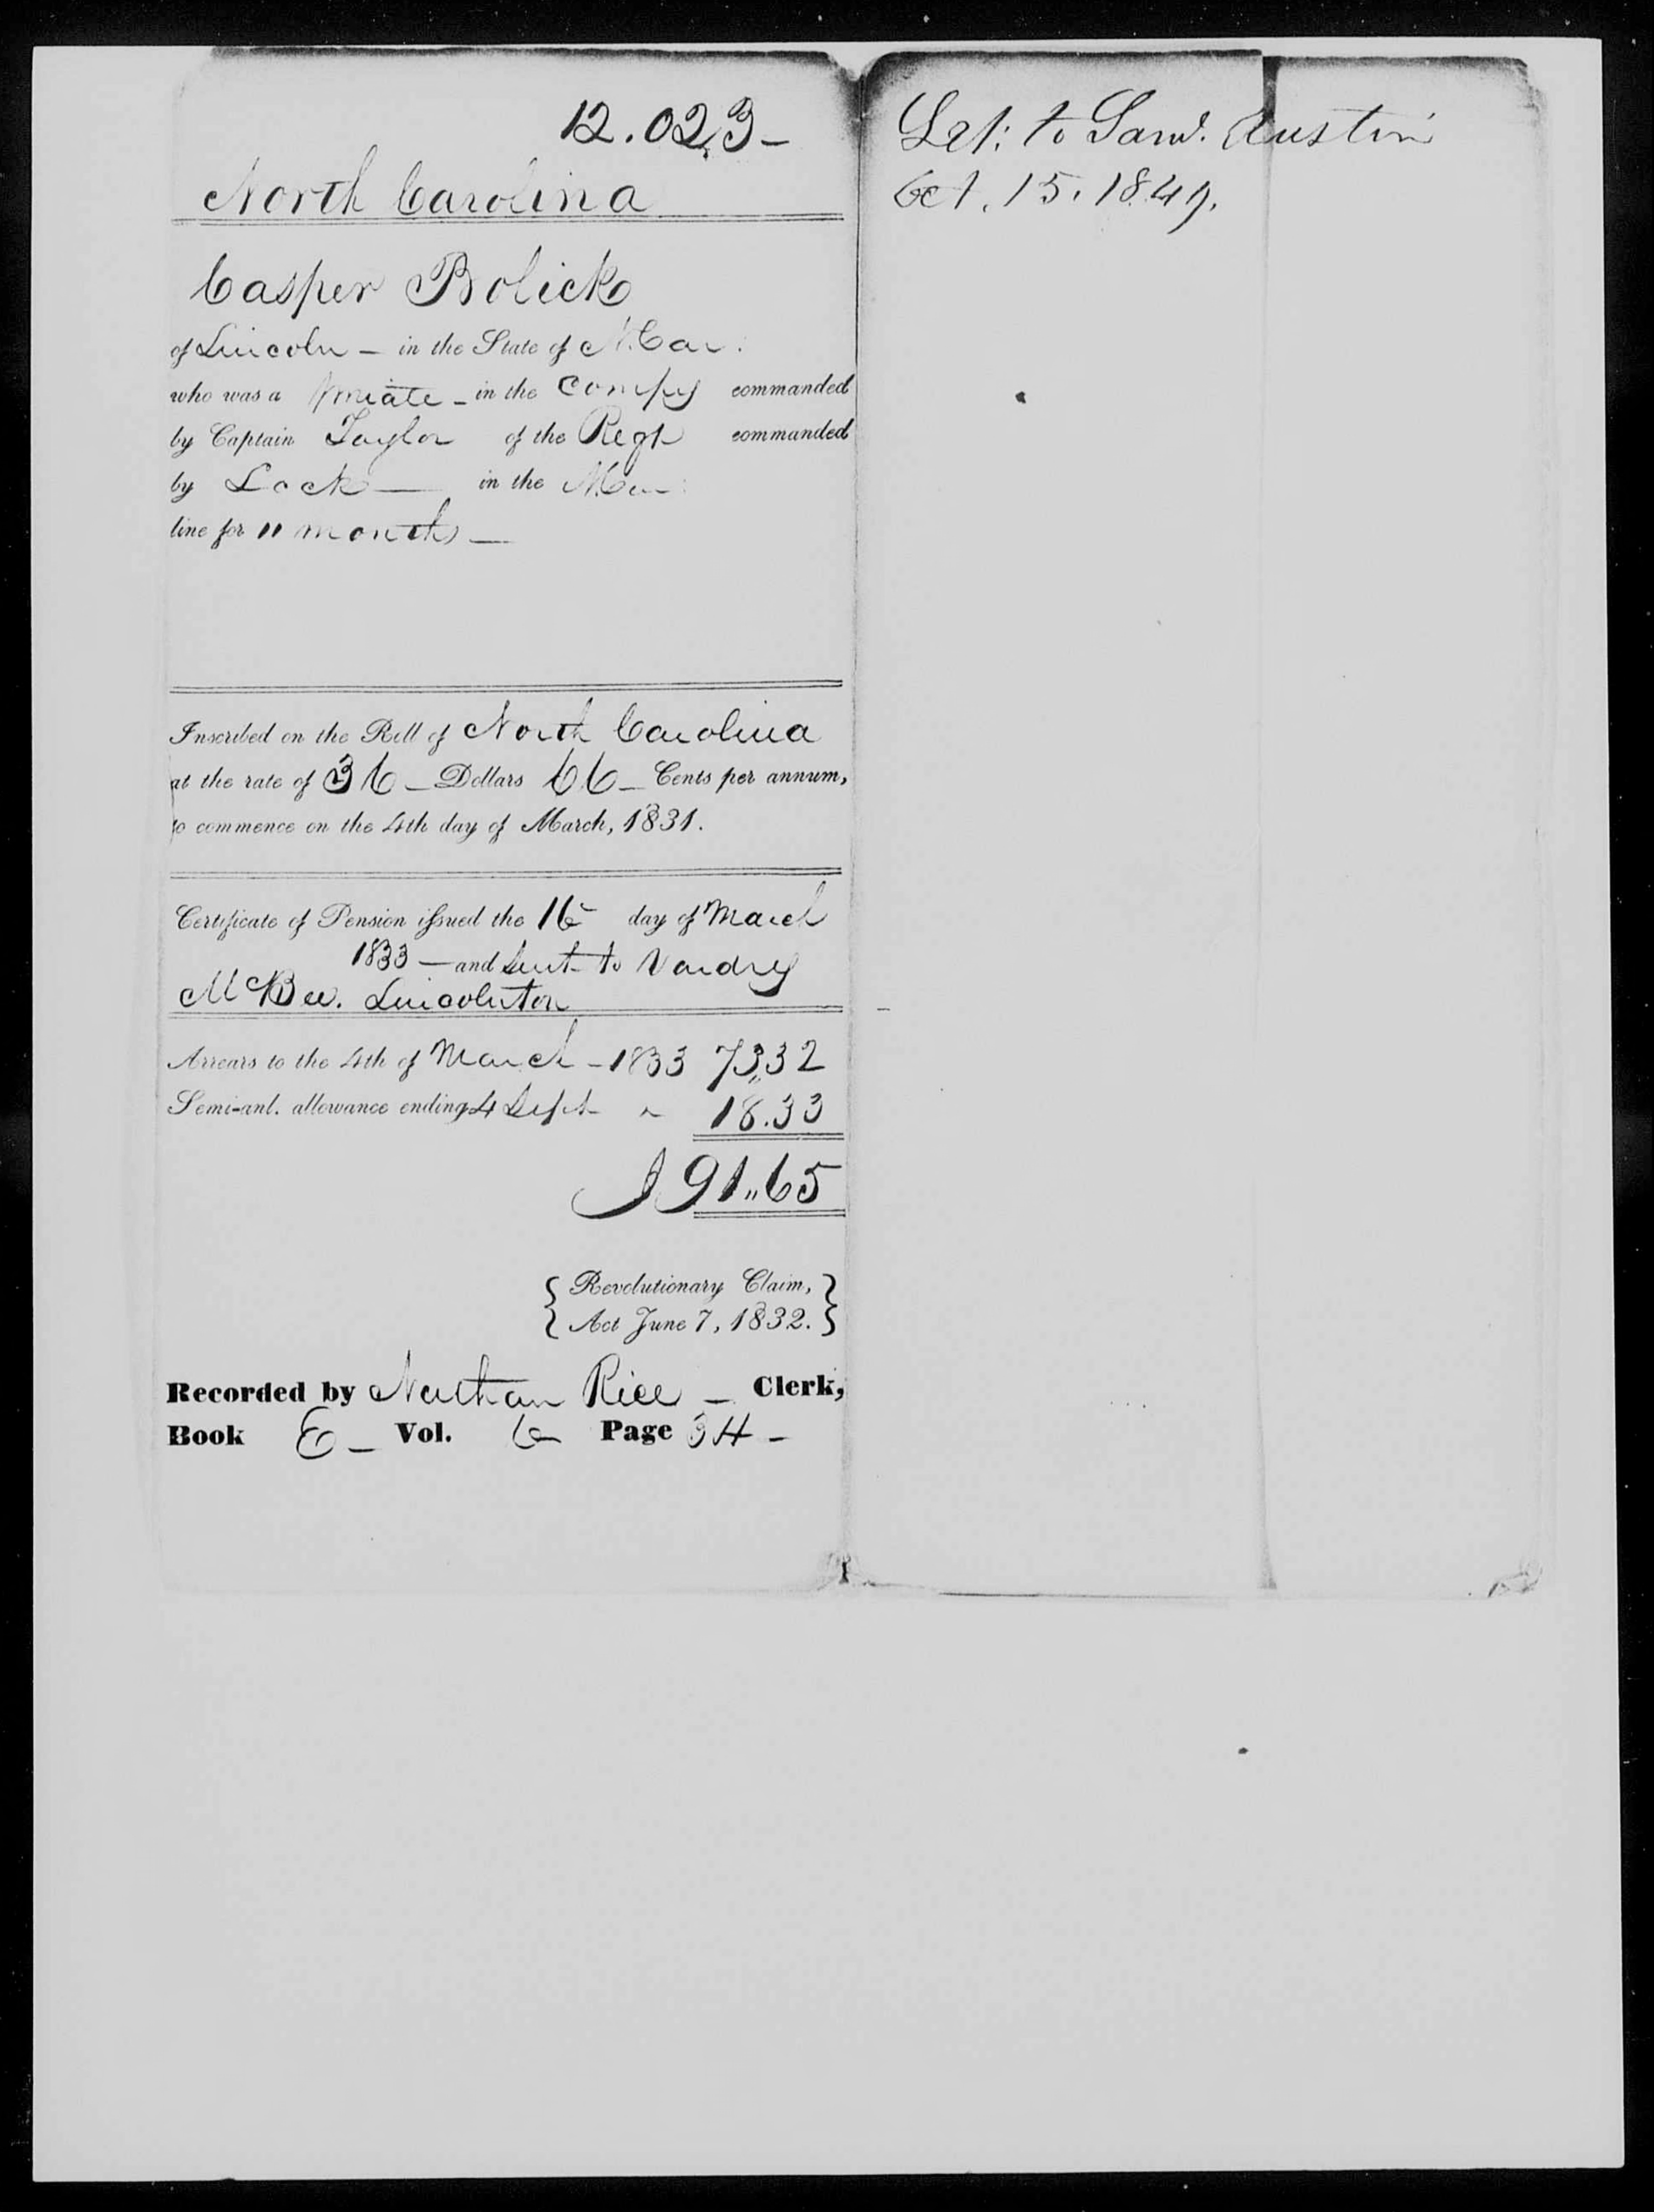12023-
North Carolina
Casper Bolick
of Lincoln - in the State of N. Car. who was a private in the company commanded by  Captain Taylor of the Regt. commanded by Lock in the N. Car. line for 11 months - 
Inscribed on the Roll of North Carolina at the rate of 36 Dollars 66 Cents per annum, to commence on the 4th day of March 1831.
Certificate of Pension issued the 16th day of March 1833 - and sent to Vardry McBee, Lincolnton
Arrears to the 4th of March 1833 73.32
Semi-anl. allowance ending 4 Sept. 1833 18.33=
$91.65
[Revolutionary Claim,}
Act June 7, 1832.}

Recorded by Nathan Rice - Clerk, Book E - Vol. 6 Page 34

Let to Sam'l. Austin Oct. 15, 1844.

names: Nathan Rice, Casper Bolick, Vardry Mc Bee, Saml Austin, Lock, Taylor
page: 2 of 43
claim: widow's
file: W. 18,566, Casper Bolick, N.C.